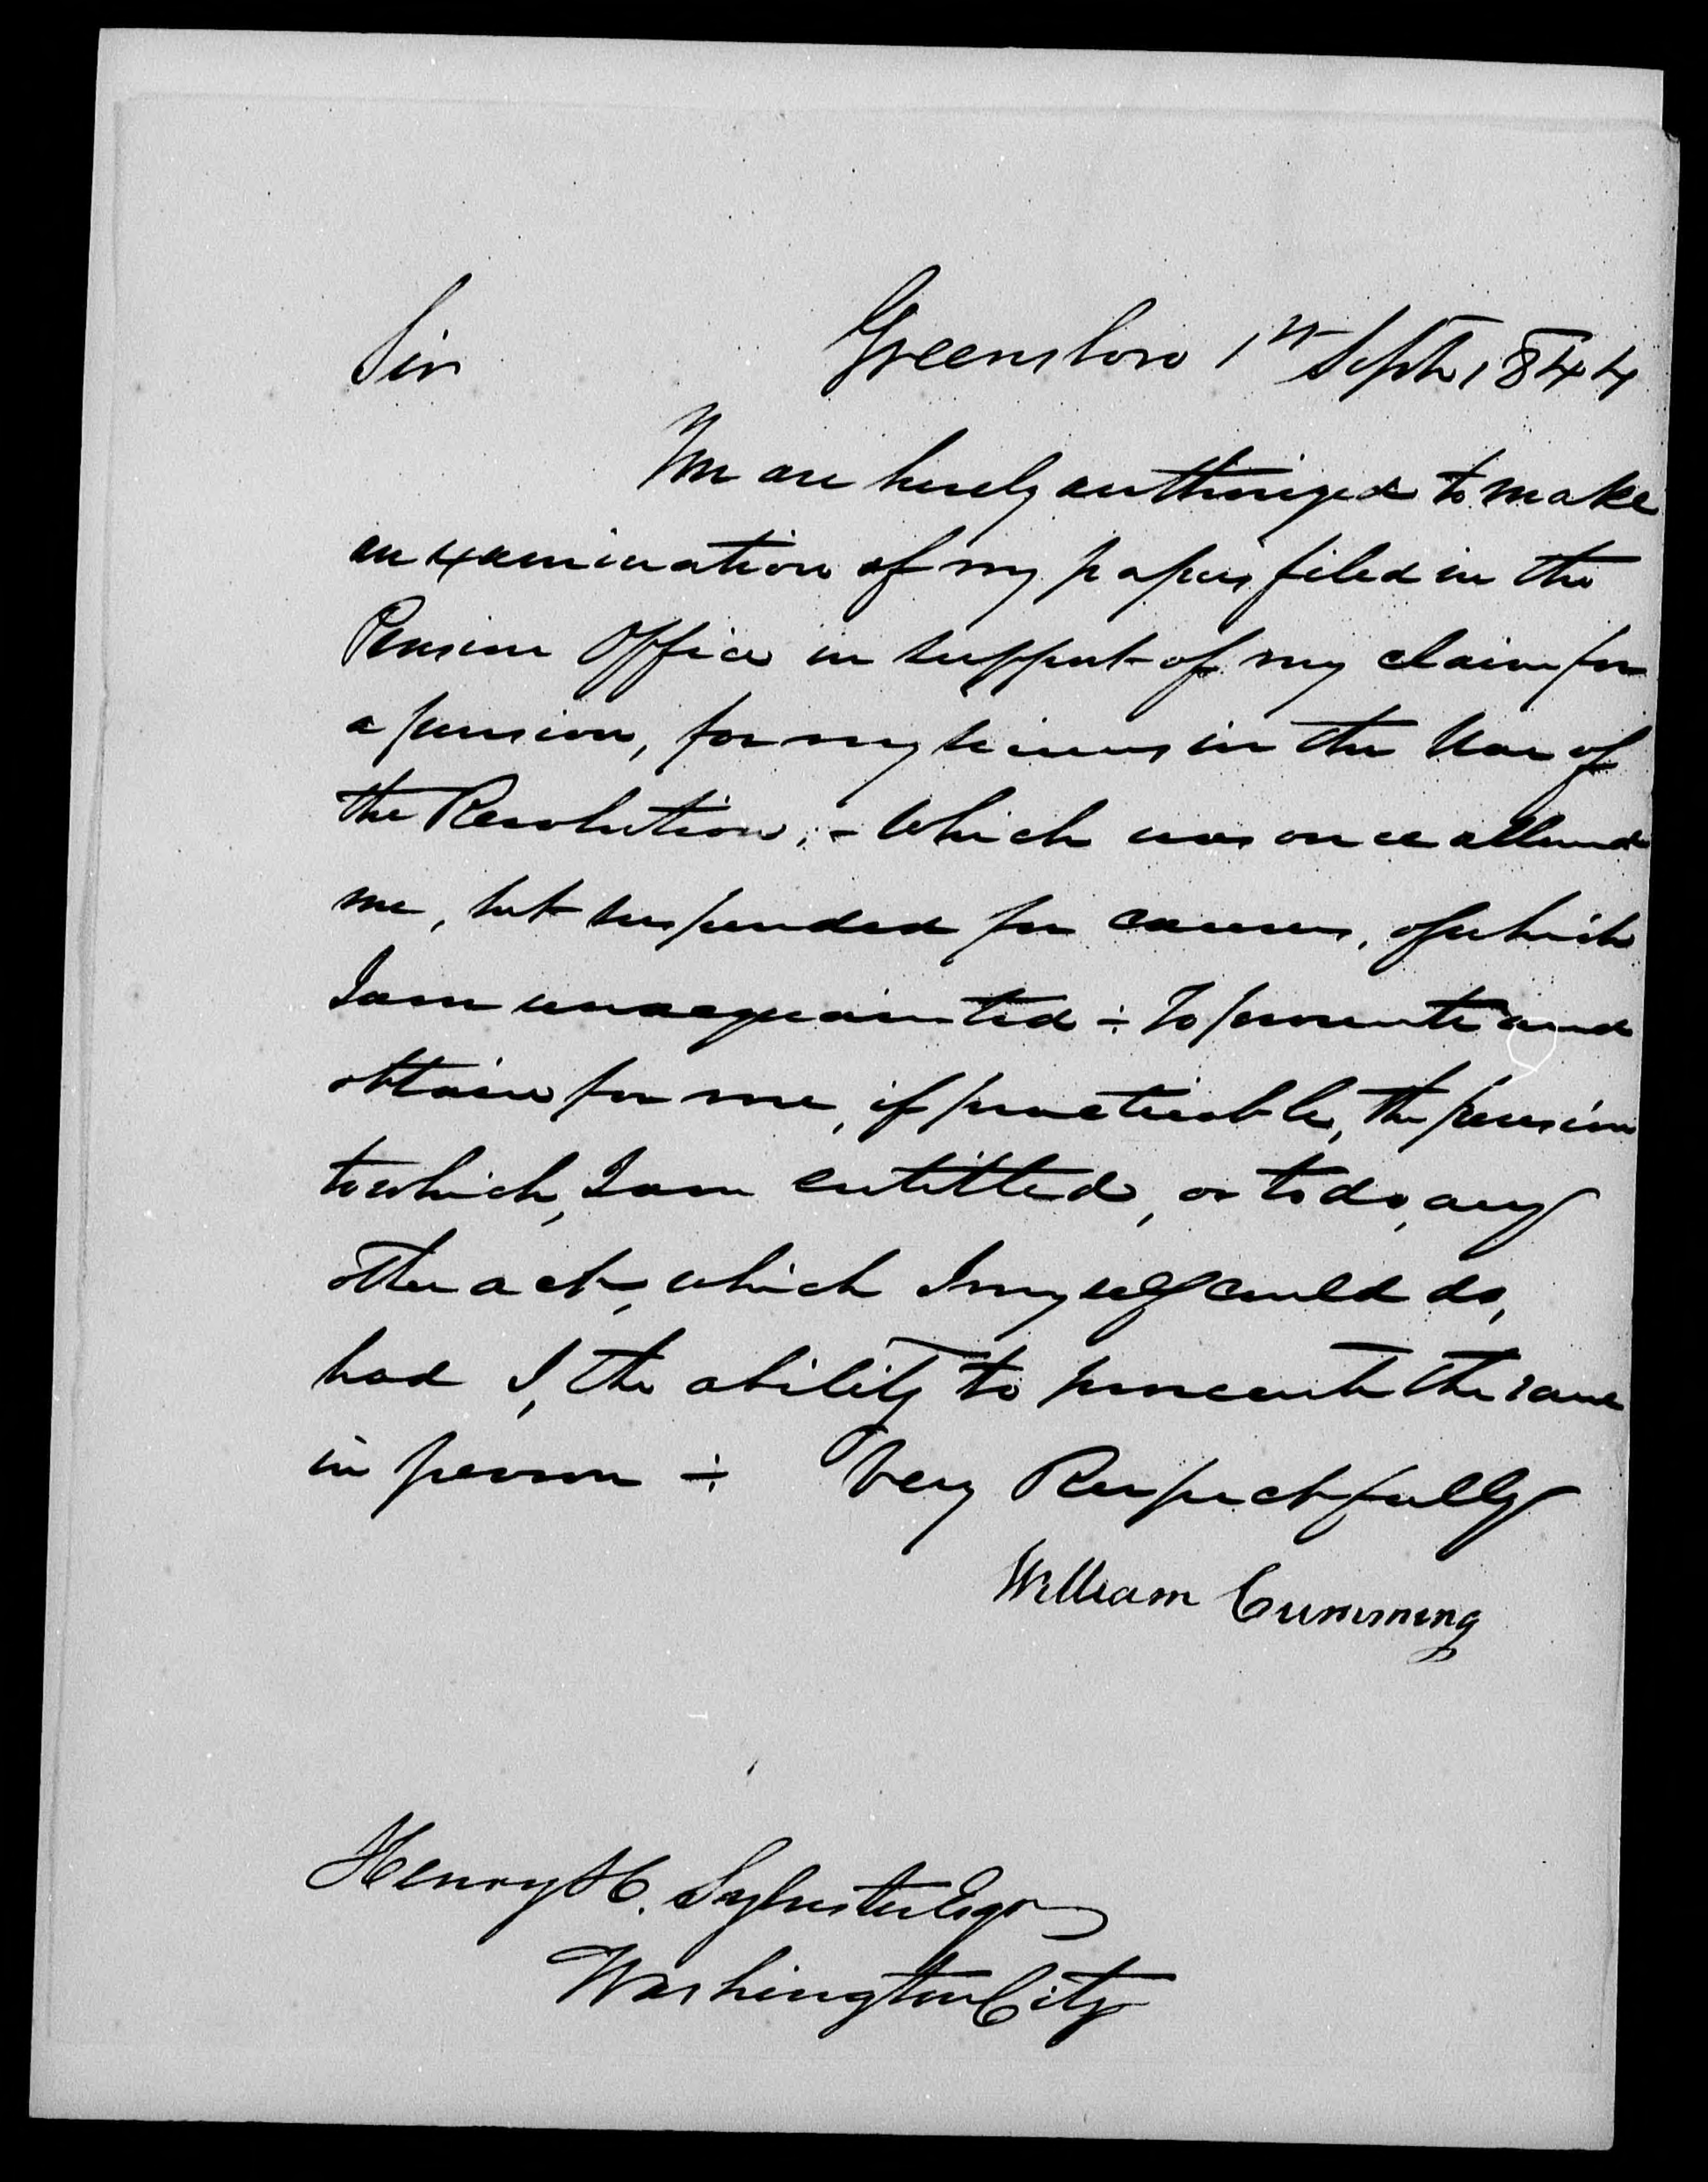[Handwritten letter.]

Greensboro 1st Sept 1 1844

Sir

[?] You are hereby authorized to make examination of my papers filed in the Pension Office in Support of my claim for a pension, for my Services in the War of the Revolution,- which was once allowed me, but suspended for causes, of which I am unacquainted - To [?] prosecute and obtain for me, if practicable, the pension to which, I am entitled, or to do, any other act, which I myself could do, had I, the ability to prosecute the same in person - Very Respectfully
[Signature in different handwriting]  William Cumming 

Henry H. Sylvester Esqr [Esquire]
Washington City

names: William Cumming, Henry H Sylvster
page: 44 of 145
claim: survivor's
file: S. 8265, William Cumming, N.C.